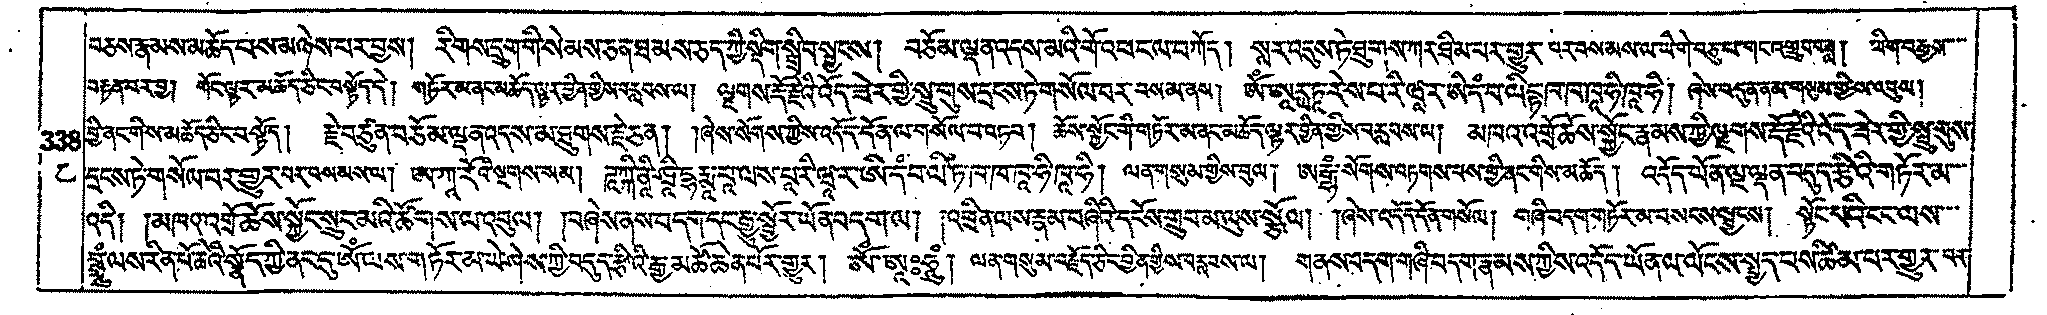བཅས་རྣམས་མཆོད་པས་མཉེས་པར་བྱས། རིགས་དྲུག་གི་སེམས་ཅན་ཐམས་ཅད་ཀྱི་སྡིག་སྒྲིབ་སྦྱངས། བཅོམ་ལྡན་འདས་མའི་གོ་འཕང་ལ་བཀོད། སླར་འདུས་ཏེ་ཐུགས་ཀར་ཐིམ་པར་གྱུར་པར་བསམས་ལ་ཡི་གེ་བཅུ་པ་གང་འགྲུབ་བཟླ། ཡིག་བརྒྱས་་་
བརྟན་པར་བྱ། གོང་ལྟར་མཆོད་ཅིང་བསྟོད་དེ། གཏོར་མ་ནང་མཆོད་ལྟར་བྱིན་གྱིས་བརླབས་ལ། ལྗགས་རྡོ་རྗེའི་འོད་ཟེར་གྱི་སྦུ་གུས་དྲངས་ཏེ་གསོལ་བར་བསམ་ནས།  ཨོཾ་ཨཱ་རྱ་ཏཱ་རེ་ས་པ་རི་ཝཱ་ར་ཨི་དཾ་བ་ལིང་ཁ་ཁ་ཁཱ་ཧི་ཁཱ་ཧི། ཞེས་བདུན་ནམ་གསུམ་གྱིས་འབུལ།
ཕྱི་ནང་གིས་མཆོད་ཅིང་བསྟོད། རྗེ་བཙུན་བཅོམ་ལྡན་འདས་མ་ཐུགས་རྗེ་ཅན། །ཞེས་སོགས་ཀྱིས་འདོད་དོན་ལ་གསོལ་བ་བཏབ། ཆོས་སྐྱོང་གི་གཏོར་མ་ནང་མཆོད་ལྟར་བྱིན་གྱིས་བརླབས་ལ། མཁའ་འགྲོ་ཆོས་སྐྱོང་རྣམས་ཀྱི་ལྗངས་རྡོ་རྗེའི་འོད་ཟེར་གྱི་སྦུ་གུས་
དྲངས་ཏེ་གསོལ་བར་གྱུར་པར་བསམས་ལ།  ཨ་ཀཱ་རོའི་སྔགས་སམ། ཊཱཀྐི་ནཱི་ཤྲཱི་དྷ་རྨཱ་པཱ་ལ་ས་པཱ་རི་ཝཱ་ར་ཨི་དཾ་བ་ལི་ཏཾ་ཁ་ཁ་ཁཱ་ཧི་ཁཱ་ཧི། ལན་གསུམ་གྱིས་ཕུལ། ཨརྒྷཾ་སོགས་བཏགས་པས་ཕྱི་ནང་གིས་མཆོད། འདོད་ཡོན་ལྔ་ལྡན་བདུད་རྩིའི་གཏོར་མ་་་
འདི། །མཁའ་འགྲོ་ཆོས་སྐྱོང་སྲུང་མའི་ཚོགས་ལ་འབུལ། །བཞེས་ནས་བདག་དང་རྒྱུ་སྦྱོར་ཡོན་བདག་ལ། །འཕྲིན་ལས་རྣམ་བཞིའི་དངོས་གྲུབ་མ་ལུས་སྩོལ། །ཞེས་འདོད་དོན་གསོལ། གཞི་བདག་གཏོར་མ་བསངས་སྦྱངས། སྟོང་པའི་ངག་ལས་་་
བྷྲཱུཾ་ལས་རིན་པོ་ཆེའི་སྣོད་ཀྱི་ནང་དུ་ཨོཾ་ལས་གཏོར་མ་ཡེ་ཤེས་ཀྱི་བདུད་རྩིའི་རྒྱ་མཚོ་ཆེན་པོར་གྱུར། ཨོཾ་ཨཱཿ ཧཱུཾ། ལན་གསུམ་བརྗོད་ཅིང་བྱིན་གྱིས་བརླབས་ལ། གནས་བདག་གཞི་བདག་རྣམས་ཀྱིས་འདོད་ཡོན་ལ་ལོངས་སྤྱད་པས་ཚིམ་པར་གྱུར་པར་